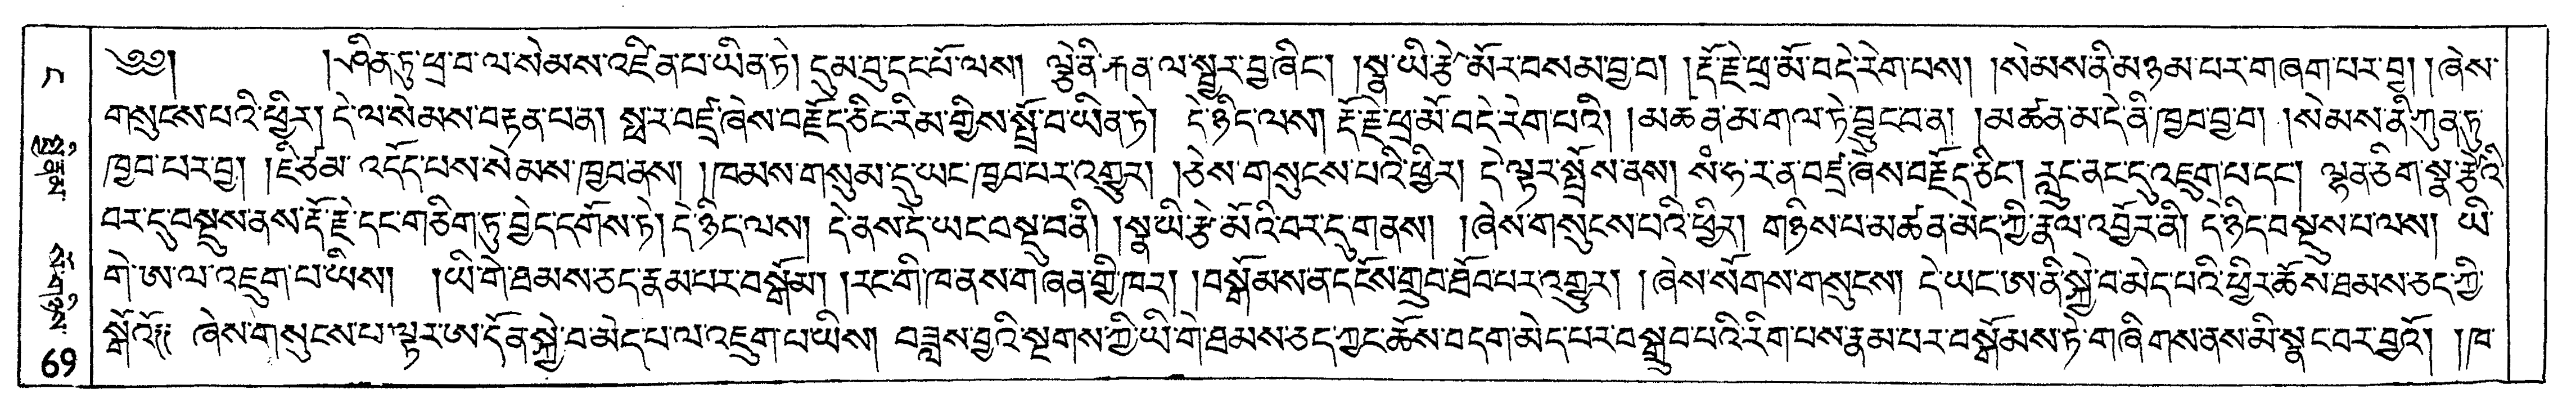༄༅། །ཤིན་ཏུ་ཕྲ་བ་ལ་སེམས་འཛིན་པ་ཡིན་ཏེ། དུམ་བུ་དན་པོ་ལས། ལྕེ་ནི་རྐན་ལ་སྦྱར་བྱ་ཞིང་། །སྣ་ཡི་རྩེ་མོར་བསམ་བྱ་བ། །རྡོ་རྗེ་ཕྲ་མོ་བདེ་རེག་པས། །སེམས་ནི་མཉམ་པར་གཞག་པར་བྱ། །ཞེས་
གསུངས་པའི་ཕྱིར། དེ་ལ་སེམས་བརྟན་པ་ན། སྥ་ར་བཛྲ་ཞེས་བརྗོད་ཅིང་རིམ་གྱིས་སྤྲོ་བ་ཡིན་ཏེ། དེ་ཉིད་ལས། རྡོ་རྗེ་ཕྲ་མོ་བདེ་རེག་པའི། །མཚན་མ་གལ་ཏེ་བྱུང་བ་ན། །མཚན་མ་དེ་ནི་ཁྱབ་བྱ་བ། །སེམས་ནི་ཀུན་ཏུ་
ཁྱབ་པར་བྱ། །ཇི་ཙམ་འདོད་པས་སེམས་ཁྱབ་ནས། །ཁམས་གསུམ་དུ་ཡང་ཁྱབ་པར་འགྱུར། །ཅེས་གསུངས་པའི་ཕྱིར། དེ་ལྟར་སྤྲོས་ནས། སཾ་ཧ་ར་ན་བཛྲ་ཞེས་བརྗོད་ཅིང་། རླུང་ནང་དུ་འཇུག་པ་དང་། ལྷན་ཅིག་སྣ་རྩེའི་
བར་དུ་བསྡུས་ནས་རྡོ་རྗེ་དང་གཅིག་ཏུ་བྱེད་དགོས་ཏེ། དེ་ཉིད་ལས། དེ་ནས་དེ་ཡང་བསྡུ་བ་ནི། །སྣ་ཡི་རྩེ་མོའི་བར་དུ་གནས། །ཞེས་གསུངས་པའི་ཕྱིར། གཉིས་པ་མཚན་མེད་ཀྱི་རྣལ་འབྱོར་ནི། དེ་ཉིད་བསྡུས་པ་ལས། ཡི་
གེ་ཨ་ལ་འཇུག་པ་ཡིས། །ཡི་གེ་ཐམས་ཅད་རྣམ་པར་བསྒོམ། །རང་གི་ཁ་ནས་གཞན་གྱི་ཁར། །བསྒོམས་ན་དངོས་གྲུབ་ཐོབ་པར་འགྱུར། །ཞེས་སོགས་གསུངས། དེ་ཡང་ཨ་ནི་སྐྱེ་བ་མེད་པའི་ཕྱིར་ཆོས་ཐམས་ཅད་ཀྱི་
སྒོའོ། །ཞེས་གསུངས་པ་ལྟར་ཨ་དོན་སྐྱེ་བ་མེད་པ་ལ་འཇུག་པ་ཡིས། བཟླས་བྱའི་སྔགས་ཀྱི་ཡི་གེ་ཐམས་ཅད་ཀྱང་ཆོས་བདག་མེད་པར་བསྒྲུབ་པའི་རིག་པས་རྣམ་པར་བསྒོམས་ཏེ་གཞིགས་ནས་མི་སྣང་བར་བྱའོ། །ཁ་